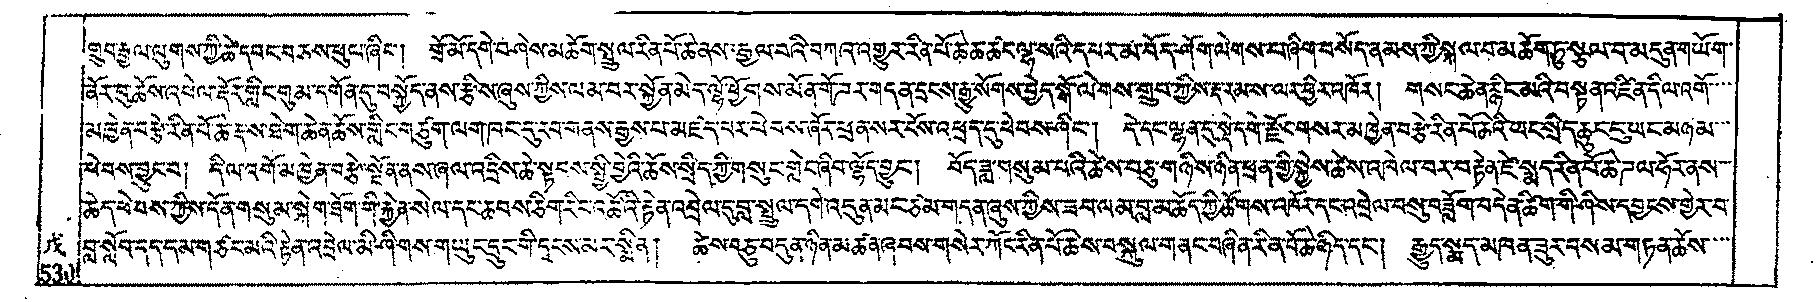གྲུབ་རྒྱལ་ལུགས་ཀྱི་ཚེ་དབང་བཅས་ཕུལ་ཞིང་། གྲོ་མོ་དགེ་བཤེས་མཆོག་སྤྲུལ་རིན་པོ་ཆེ་ནས་༧རྒྱལ་བའི་བཀའ་འགྱུར་རིན་པོ་ཆེ་ཆ་ཚང་ལྷ་སའི་དཔར་མ་བོད་ཤོག་ལེགས་པ་ཞིག་བསོད་ནམས་ཀྱི་སྐལ་བ་མཆོག་ཏུ་སྩལ་བ་མདུན་གཡོག་
ནོར་བུ་ཆོས་འཕེལ་རྡོར་གླིང་གུམ་དགོན་དུ་བསྐྱོད་ནས་རྩིས་ཞུས་ཀྱིས་ལམ་བར་སྐྱོན་མེད་ལྷོ་ཕྱོགས་མོན་གོ་ཌར་གདན་དྲངས་རྒྱུ་སོགས་བྱེད་སྒོ་ལེགས་གྲུབ་ཀྱིས་རྡ་རམ་ས་ལར་ཕྱིར་འཁོར། གསང་ཆེན་རྙིང་མའི་བསྟན་འཛིན་དིལ་འགོ་
མཁྱེན་བརྩེ་རིན་པོ་ཆེ་རྡ་ས་ཐེག་ཆེན་ཆོས་གླིང་གཙུག་ལག་ཁང་དུ་རབ་གནས་རྒྱས་པ་མཛད་པར་ཕེབས་ཞོར་ཕྲན་སར་ངོས་འཕྲད་དུ་ཕེབས་ཤིང་། དེ་དང་ལྷན་དུ་སྡེ་དགེ་རྫོང་གསར་མཁྱེན་བརྩེ་རིན་པོ་ཆེའི་ཡང་སྲིད་ཆུང་ངུ་ཡང་མཉམ་
ཕེབས་བྱུང་བ། དིལ་འགོ་མཁྱེན་བརྩེ་སྔོན་ནས་ཞལ་འདྲིས་ཆེ་སྟབས་སྤྱི་བྱེའི་ཆོས་སྲིད་ཀྱི་གསུང་གླེང་ཞིབ་ལྷོད་བྱུང་། བོད་ཟླ་གསུམ་པའི་ཚེས་བཅུ་གཉིས་ཉིན་ཕྲན་གྱི་སྐྱེས་ཚེས་འཁེལ་བར་བརྟེན་ཛེ་སྨད་རིན་པོ་ཆེ་ཌལ་ཧོར་ནས་
ཆེད་ཕེབས་ཀྱིས་དོན་གསུམ་སྐེག་ཐོག་གི་རྐྱེན་སེལ་དང་ཆབས་ཅིག་རིང་འཚོའི་རྟེན་འབྲེལ་དུ་བླ་སྤྲུལ་དགེ་འདུན་མང་ཙམ་གདན་ཞུས་ཀྱིས་ཟབ་ལམ་བླ་མཆོད་ཀྱི་ཚོགས་འཁོར་དང་འབྲེལ་བསུ་བཟློག་བདེན་ཚིག་གི་ཤིས་དབྱངས་གྱེར་བ་
བླ་སློབ་དད་དམ་གཙང་མའི་རྟེན་འབྲེལ་མི་ཤིགས་གཡུང་དྲུང་གི་དྭངས་མར་སྨིན། ཚེས་བཅུ་བདུན་ཉིན་མཚན་ཞབས་གསེར་ཀོང་རིན་པོ་ཆེས་བསྐུལ་གནང་བཞིན་རིན་པོ་ཆེ་ཉིད་དང་། རྒྱུད་སྨད་མཁན་ཟུར་བསམ་གཏན་ཆོས་